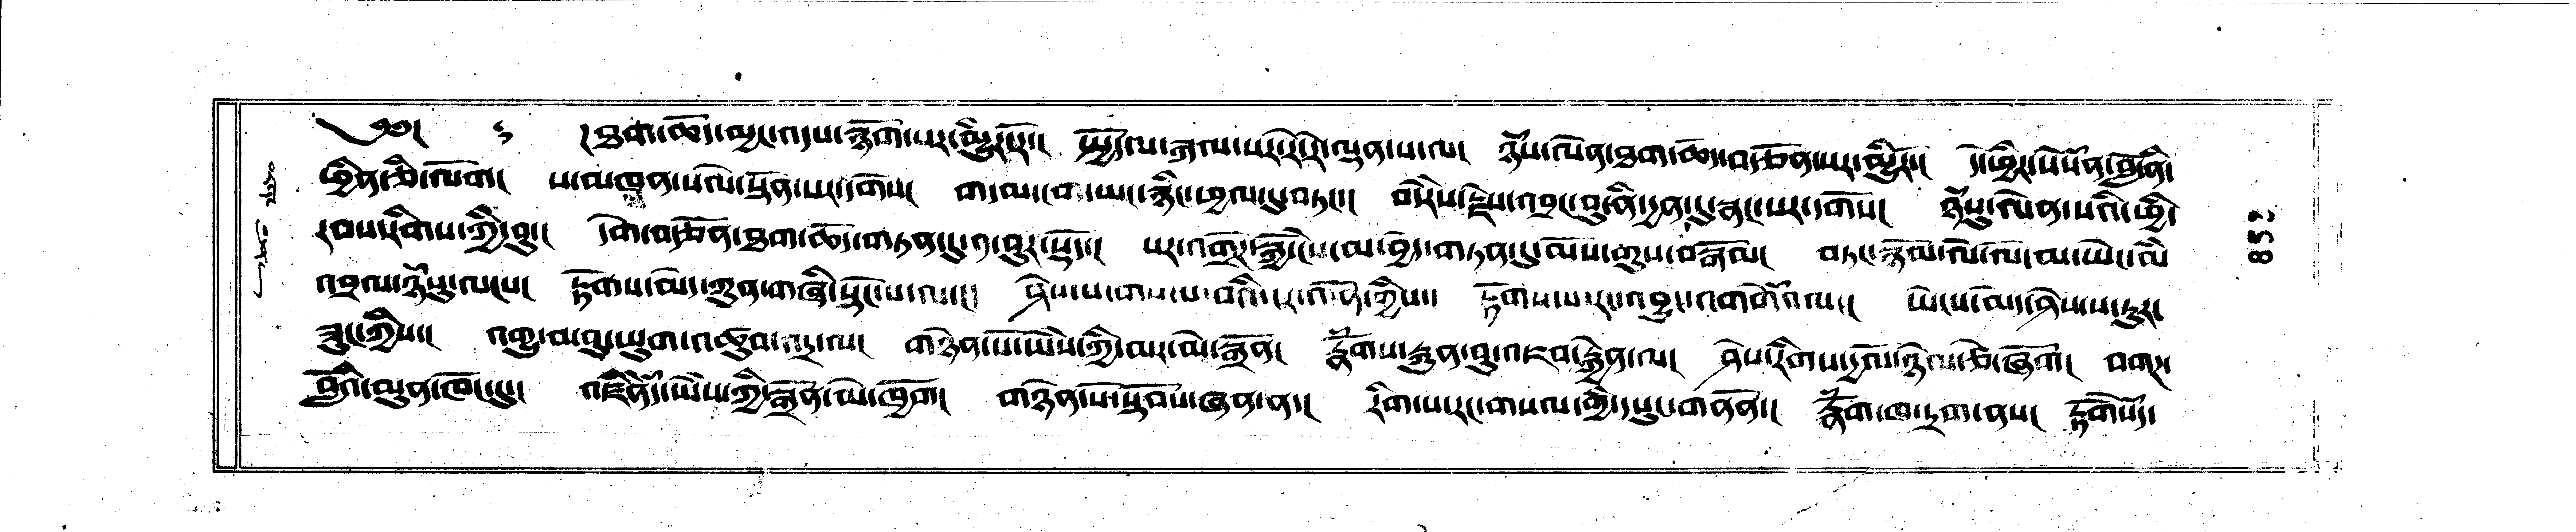ཐག་ཆོད་མྱང་འདས་སྨྱོག་པར་མི་འགྱུར་རོ། །སྤྱོད་པ་སྐལ་པར་རེ་རེ་ལྡན་པ་ལ། ཉམས་ལེན་ཐག་ཆོད་བརྩོན་པར་མི་འགྱུར་རོ། །དེ་ཕྱིར་སེམས་ཅན་བློ་ནི་
ཕྱིན་ཅི་ལོག ས་མཁན་སལེ་སྟོན་པ་དགོས། གདམས་ངག་ཡང་སྙིང་ཕྱལ་དུ་བཏང་། བདེར་གཤེགས་རྗེས་འབྲང་བུ་ནི་རྒྱན་དུ་སྣང་པར་དགོས། ཉམས་སུ་ལེན་པའི་ཕྱི་
བས་རིགས་ཀྱི་བུ། དགེ་བརྩོན་ཐག་ཆོད་གཏན་དུ་གཅིག་བུར་སྡོད། པར་འགྲོགས་སྐྱོ་ངེས་མ་བྱེད་གཏན་དུ་མོས་གུས་སྒོམས། བཏང་སྙོམསལེ་ལོ་མ་ཡེངས་མི་
འབྲལ་ཉམས་སུ་ལོངས། རྟོག་མེད་ཀུན་གཞི་སྟོང་པ་ལ། །ཤེས་པ་གསལ་བའི་ངར་འདོན་གྱིས། །རྟོགས་པར་རང་འབྱུང་འགག་མེད་ལ། །ཡེངས་མེད་ཤེས་པ་ཏུར་
ཟུང་གྱིས། །འགྱུ་བ་བུ་ཡུག་འཚུབ་འདྲ་ལ། །གཉེན་པོ་ཡེ་ཤེས་ཀྱི་མར་མེ་སྒྲོན། །རྣམ་རྟོག་རྐུན་བུ་འཇབ་རྐྱེན་ལ། །ཤེས་རིག་རྒྱལ་པོ་ཉེལ་ཙེ་ཞོག །བག་ཆགས་
བློ་ཡི་མུན་ཁང་དུ། །འཛིན་མེད་ཡེ་ཤེས་ཀྱི་སྒྲོན་མེ་ཁྱོག །གཉེན་པོ་སྟོབས་ཞན་ན། རིག་པ་རང་གསལ་གྱི་དཔུང་གནོན། རྣམ་རྟོག་ཁ་དྲག་ནས། རྟོག་མེད་